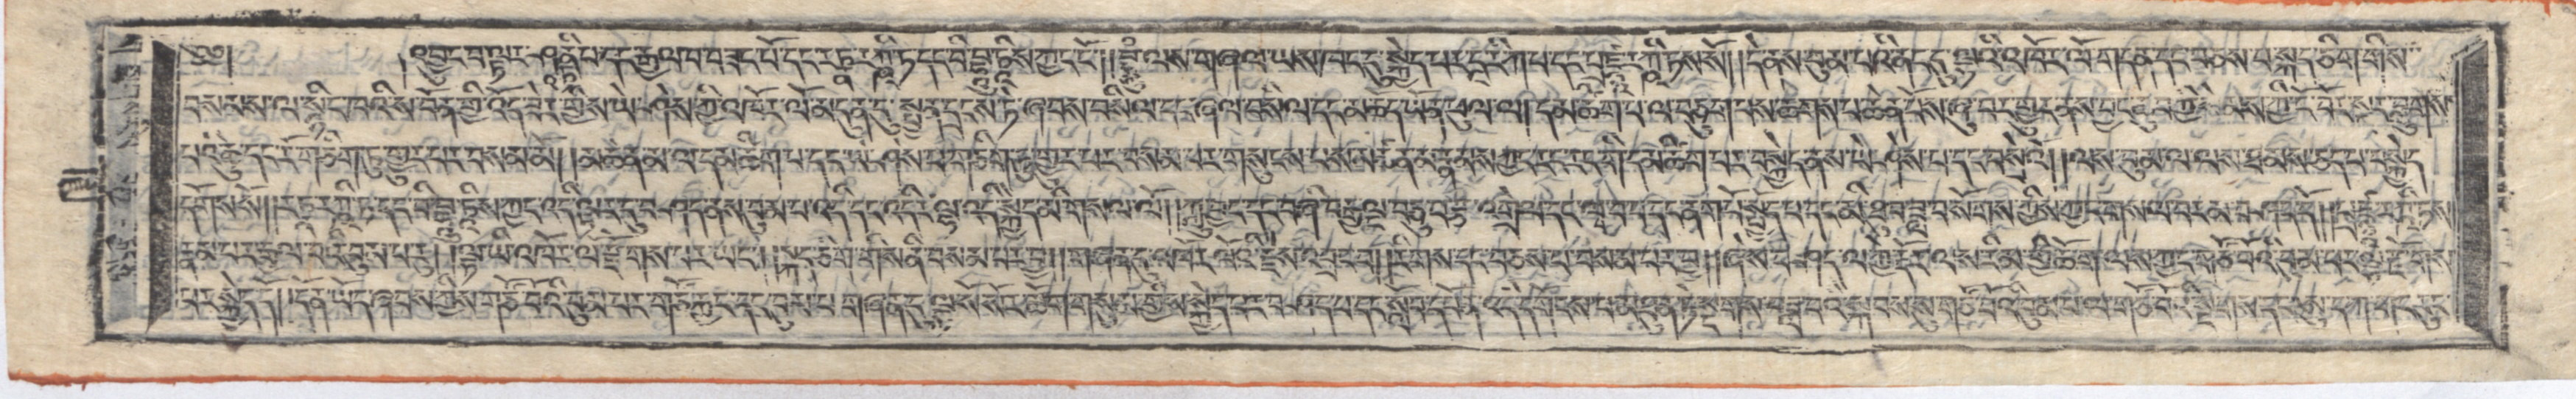༄༅། །འབྱུང་བ་ལྟར་ཤཱནྟི་པ་དང་རྒྱལ་བ་བཟང་པོ་དང་རཏྣ་རཀྵི་ཏ་དང་བི་བྷཱུ་ཏཱིས་ཀྱང་ངོ། །བྷཱུཾ་ལས་གཞལ་ཡས་ཁང་དུ་སྐྱེད་པར་དཱ་རི་ཀ་པ་དང་པྲཛྙཱ་རཀྵི་ཏས་སོ། །དེ་ནས་བུམ་པའི་ནང་དུ་ལྷའི་འཁོར་ལོ་གདན་དང་བཅས་པ་སྐད་ཅིག་གིས་
བསམས་ལ་སྙིང་ཁའི་ས་བོན་གྱི་འོད་ཟེར་གྱིས་ཡེ་ཤེས་ཀྱི་འཁོར་ལོ་མདུན་དུ་སྤྱན་དྲངས་ཏེ་ཞབས་བསིལ་དང་ཞལ་བསིལ་དང་མཆོད་ཡོན་ཕུལ་ལ། དམ་ཚིག་པ་ལ་བཅུག་པས་ཆགས་པ་ཆེན་པོས་ཞུ་བར་གྱུར་ནས་བྱང་ཆུབ་ཀྱི་སེམས་ཀྱི་ངོ་བོར་སྔར་བླུགས་
པའི་ཆུ་དང་རོ་གཅིག་ཏུ་གྱུར་པར་བསམ་མོ། །མཚན་མ་ལ་དམ་ཚིག་པ་དང་ཡེ་ཤེས་པ་གཅིག་ཏུ་གྱུར་པར་བསམ་པར་གསུངས་པས་མཚན་མ་རྣམས་ཀྱང་རང་རང་གི་དམ་ཚིག་པར་བསྐྱེད་ནས་ཡེ་ཤེས་པ་དང་བསྲེའོ། །ལས་བུམ་ལ་ལས་ཐམས་ཅད་པ་བསྐྱེད་
དགོས་སོ། །རཏྣ་རཀྵི་ཏ་དང་བི་བྷཱུཾ་ཏཱིས་ཀྱང་འདི་ལྟར་དུ་བཤད་ནས་བུམ་པའདི་དང་འདིར་ལྷ་འདི་སྐྱེད་མི་གསལ་ལོ། །ཀླུ་བྱང་དང་བཞི་བརྒྱ་ལྔ་བཅུ་པ་རྩ་འགྲེལ་དང་ལྭ་བ་པ་དང་ནག་པོ་སྤྱོད་པ་དང་མི་ཐུབ་ཟླ་བ་སོགས་ཀྱིས་ཀྱང་གསལ་བར་མ་བཤད་དོ། །པྲཛྙཱ་རཀྵི་ཏས།
རྣམ་པར་རྒྱལ་བའི་བུམ་པ་རུ། །ལྷ་ཡི་འཁོར་ལོ་རྫོགས་པར་ཡང་། །སྐད་ཅིག་གིས་ནི་བསམ་པར་བྱ། །གཞན་དུ་འཁོར་ལོའི་རྫེས་འབྲང་བ། །རིགས་དང་བཅས་པ་བསམ་པར་བྱ། །ཞེས་བཤད་ལ་ཀྱེ་རྡོར་ལས་རིམ་གྱི་ཆོ་ག་ལས་ཀྱང་གཙོ་བོའི་བུམ་པར་ལྷ་རྫོགས་
པར་སྐྱེད་དོ། །དོན་ཡོད་ཞབས་ཀྱིས་གཙོ་བོའི་བུམ་པར་གཙོ་རྐྱང་དང་བུམ་པ་གཞན་དུ་ལྷ་སོ་སོར་ཆོག་གསུམ་གྱིས་སྐྱེད་པར་བཤད་པ་དང་སློབ་དཔོན་འདི་དགོངས་པ་མཐུན་ཏེ་སྔགས་བཟླ་བའི་སྐབས་སུ་གཙོ་བོའི་བུམ་པ་ལ་གཙོ་བོའི་སྔགས་དང་ཨུ་ད་ཀ་གང་རུང་